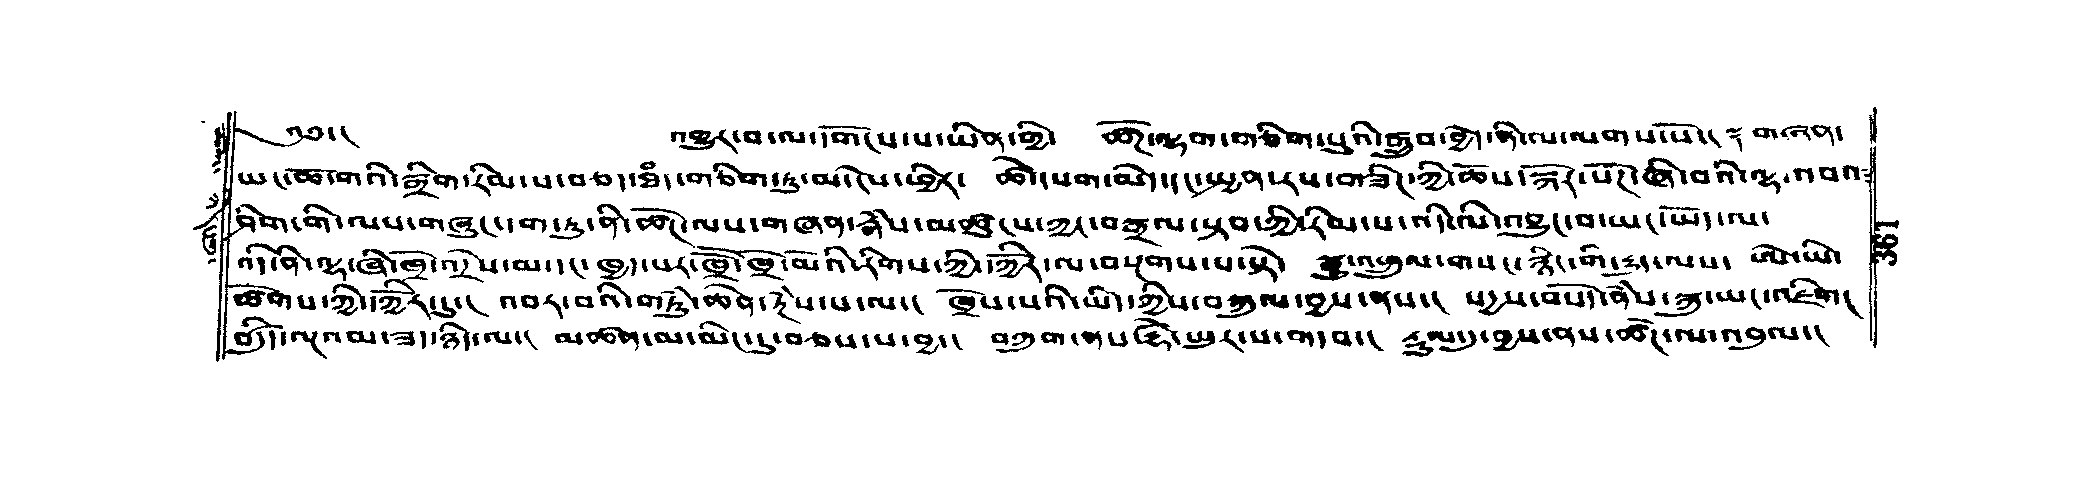འགྱུར་བ་ལ་དགོངས་པ་ཡིན་གྱི། ཚོགས་ལྷག་གཅིག་པུའི་སྒྲུབ་བྱེད་ནི་མ་ལགས་སོ། ༈ གཞན་
ཡང་ཆོ་གའི་བསྒྲིགས་རིམ་ས་བཅད་ཐམས་ཅད་གཅིག་ཏུམ་ངེས་ཕྱིར། ཚེ་དཔག་མེད་དང་སྤྱན་རས་གཟིགས་ཀྱི་ཆོས་སྐོར་སོགས་ཞི་བའི་ལྷ་འབའ་
ཞིག་གི་ལས་གཞུང་དག་ཏུ་ནི་ཚོགས་ལས་གཞན་རྣམས་མཚུངས་ཀྱང་བསྒྲལ་སྟབས་ཀྱི་རིམ་པ་འདི་མི་འབྱུང་བ་ཡང་ཡོད་ལ། 
འདི་ནི་ལྷ་ཞི་ཁྲོ་འདྲེས་མ་ཁྱད་པར་ཁྲོ་བོ་ཁྲོ་མོའི་རིགས་ཀྱི་དཀྱིལ་འཁོར་ལ་བསྔགས་པ་སྟེ། སྒྱུ་འཕྲུལ་གསང་སྙིང་གི་རྒྱུད་ལས། ཨེ་ཨི་
ཚོགས་ཀྱི་དཀྱིལ་འཁོར་དུ། །འབར་བའི་གཏུམ་ཆེན་རྔམས་པ་ལ། །ཁྲོས་པའི་ཡིད་ཀྱིས་བསྐུལ་བྱས་ནས། །སངས་རྒྱས་བསོད་ནམས་སྐུ་ཡང་འཇིག།
བདུད་རྩི་ལྔའམ་ཟས་ཉིད་ལ། །མཚན་མ་མིང་དུ་བཅས་པ་བྱ། །བཀུག་ནས་རྡོ་རྗེ་ཕུར་བ་གདབ། །རྡུལ་དུ་བྱས་ནས་ཚོགས་ལ་འབུལ། །